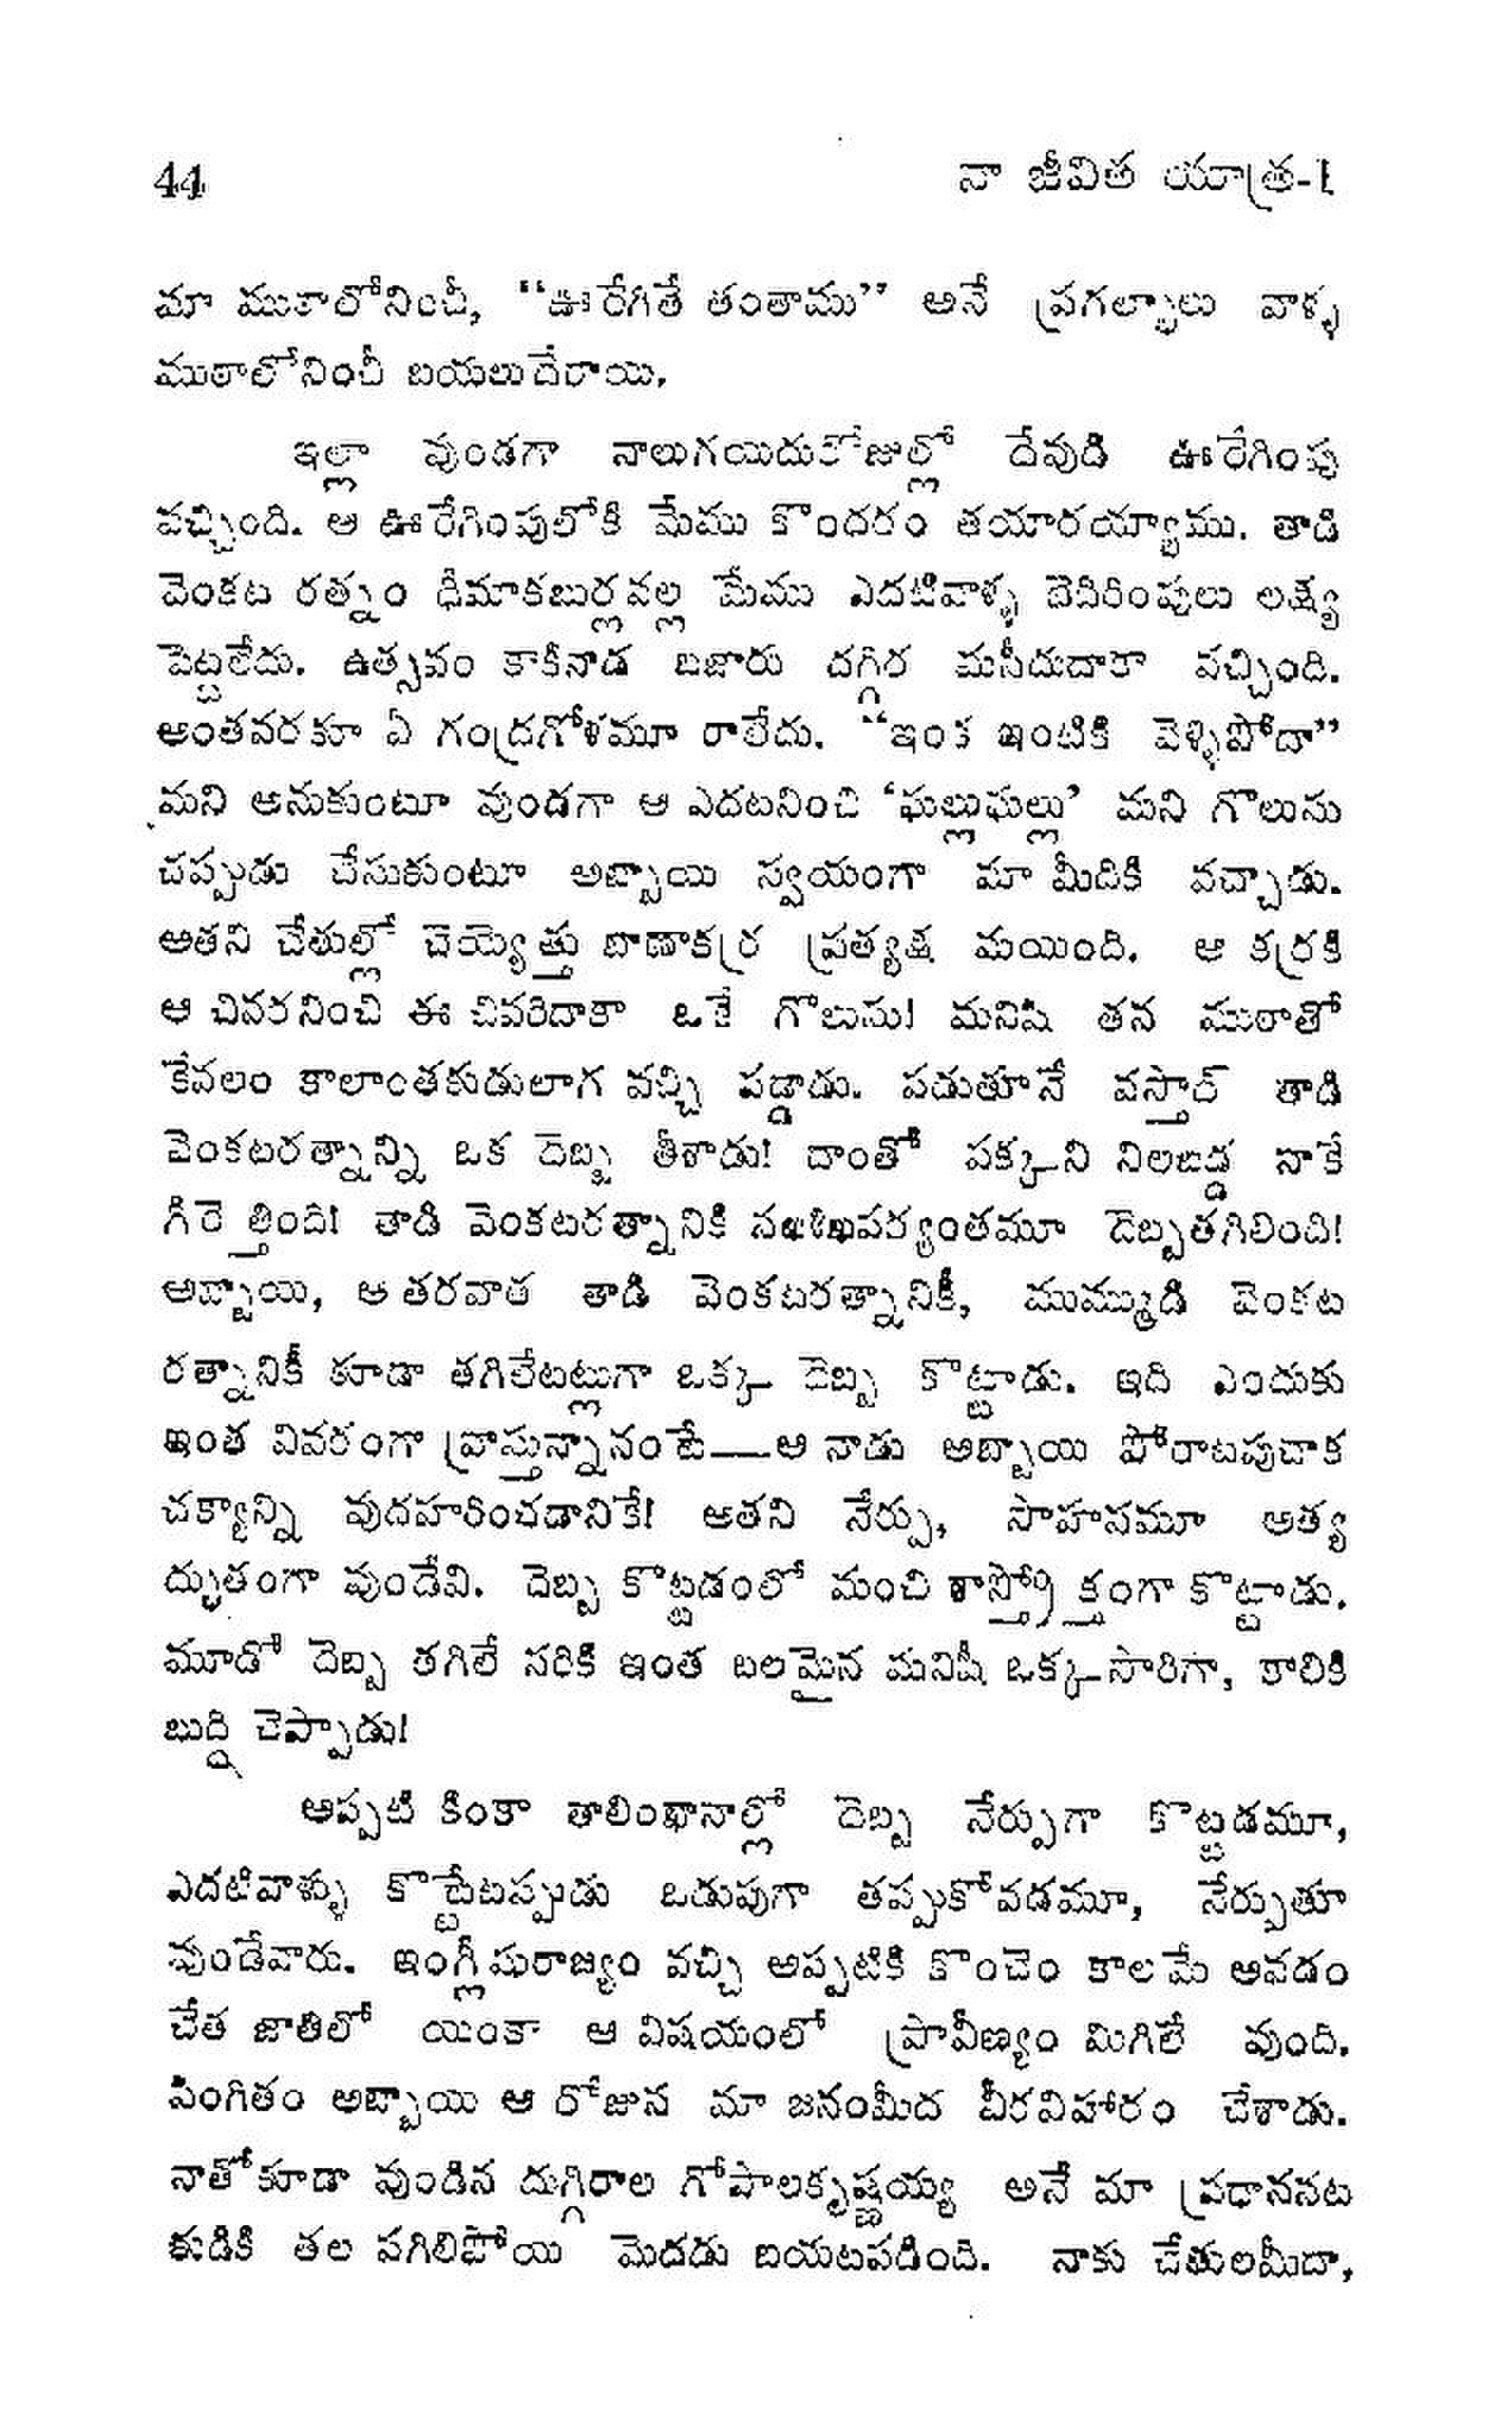మా ముఠాలోనించీ, "ఊరేగితే తంతాము" అనే ప్రగల్భాలు వాళ్ళ ముఠాలోనించీ బయలుదేరాయి.

ఇల్లా వుండగా నాలుగయిదురోజుల్లో దేవుడి ఊరేగింపు వచ్చింది. ఆ ఊరేగింపులోకి మేము కొందరం తయారయ్యాము. తాడి వెంకటరత్నం ధీమాకబుర్లవల్ల మేము ఎదటివాళ్ళ బెదిరింపులు లక్ష్యపెట్టలేదు. ఉత్సవం కాకినాడ బజారు దగ్గిర మసీదుదాకా వచ్చింది. అంతవరకూ ఏ గంద్రగోళమూ రాలేదు. "ఇంక ఇంటికి వెళ్ళిపోదా" మని అనుకుంటూ వుండగా ఆ ఎదటనించి 'ఘల్లుఘల్లు' మని గొలుసు చప్పుడు చేసుకుంటూ అబ్బాయి స్వయంగా మా మీదికి వచ్చాడు. అతని చేతుల్లో చెయ్యెత్తు బాణాకర్ర ప్రత్యక్ష మయింది. ఆ కర్రకి ఆ చివరనించి ఈ చివరిదాకా ఒకే గొలుసు! మనిషి తన ముఠాతో కేవలం కాలాంతకుడులాగ వచ్చి పడ్డాడు. పడుతూనే వస్తాద్ తాడి వెంకటరత్నాన్ని ఒక దెబ్బ తీశాడు! దాంతో పక్కని నిలబడ్డ నాకే గీరెత్తింది! తాడి వెంకటరత్నానికి నఖశిఖపర్యంతమూ దెబ్బతగిలింది! అబ్బాయి, ఆ తరవాత తాడి వెంకటరత్నానికి, ముమ్మడి వెంకటరత్నానికీ కూడా తగిలేటట్లుగా ఒక్క దెబ్బ కొట్టాడు. ఇది ఎందుకు ఇంత వివరంగా వ్రాస్తున్నానంటే - ఆ నాడు అబ్బాయి పోరాటపుచాకచక్యాన్ని వుదహరించడానికే! ఆతని నేర్పు, సాహసమూ అత్యద్భుతంగా వుండేవి. దెబ్బ కొట్టడంలో మంచి శాస్త్రోక్తంగా కొట్టాడు. మూడో దెబ్బ తగిలే సరికి ఇంత బలమైన మనిషీ ఒక్కసారిగా, కాలికి బుద్ధి చెప్పాడు!

అప్పటి కింకా తాలింఖానాల్లో దెబ్బ నేర్పుగా కొట్టడమూ, ఎదుటివాళ్ళు కొట్టేటప్పుడు ఒడుపుగా తప్పుకోవడమూ, నేర్పుతూ వుండేవారు. ఇంగ్లీషురాజ్యం వచ్చి అప్పటికి కొంచెం కాలమే అవడంచేత జాతిలో యింకా ఆ విషయంలో ప్రావీణ్యం మిగిలే వుంది. సింగితం అబ్బాయి ఆ రోజున మా జనంమీద వీరవిహారం చేశాడు. నాతోకూడా వుండిన దుగ్గిరాల గోపాలకృష్ణయ్య అనే మా ప్రధాననటకుడికి తల పగిలిపోయి మెదడు బయటపడింది. నాకు చేతులమీదా,